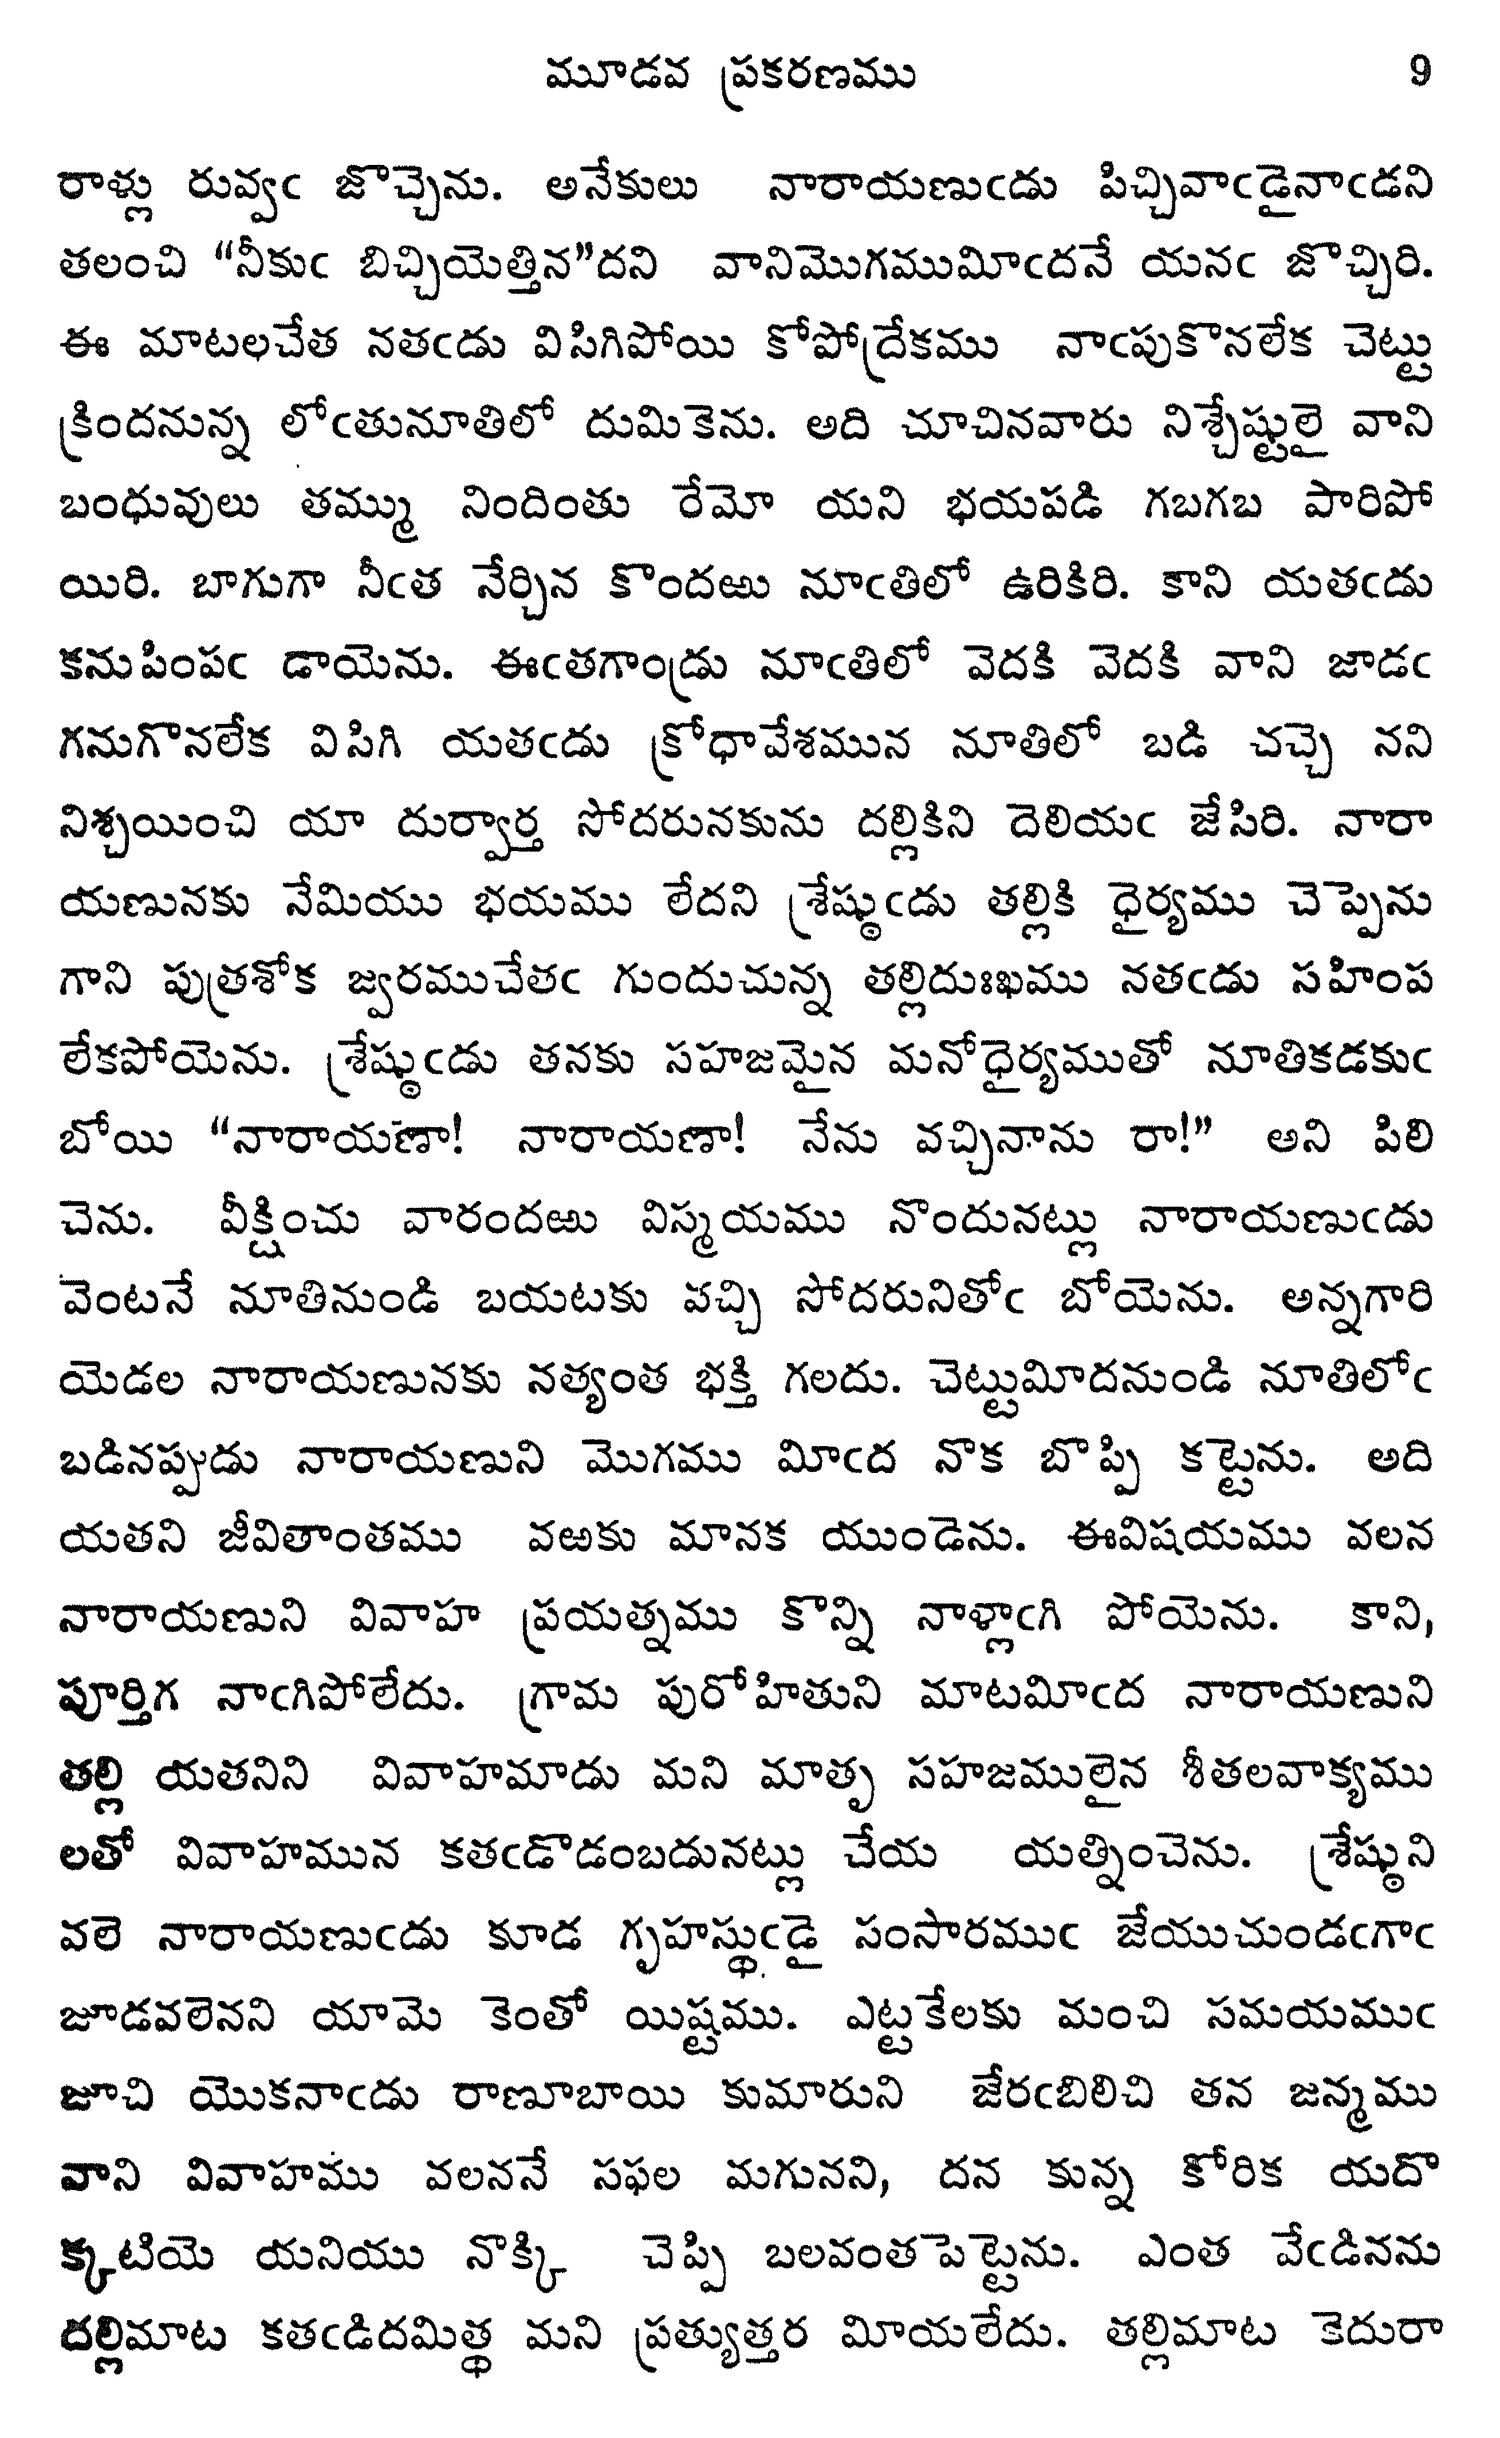రాళ్ళు రువ్వఁ జొచ్చెను. అనేకులు నారాయణుఁడు పిచ్చివాఁడైనాఁడని తలంచి "నీకుఁ బిచ్చియెత్తిన"దని బవానిమొగముమీఁదనే యనఁ జొచ్చిరి. ఈ మాటలచెత నతఁడు విసిగిపోయి కోపోద్రేకము నఁపుకొనలేక చెట్టు క్రిందనున్న లోఁతునూతిలో దుమికెను. అది చూచినవారు నిశ్చేష్టులై వాని బంధువులు తమ్ము నిందింతు రేమో యని భయపడి గబగబ పారిపోయిరి. బాగుగ బనీఁత నేర్చిన కొందఱు నూఁతిలో ఉరికిరి. కాని యతఁడు కనుపింపఁ డాయెను. ఈఁతగాండ్రు నూఁతిలో వెదకి వెదకి వాని జాడఁ గనుగొనలేక విసిగి యతఁడు క్రోధావేశమున నూతిలో బడి చచ్చె నని నిశ్చయించి యా దుర్వార్త సోదరునకును దల్లికిని దెలియఁ జేసిరి. నారాయణునకు నేమియు భయములేదని శ్రేష్ఠుఁడు తల్లికి ధైర్యము చెప్పెను గాని పుత్రశోక జ్వరముచేతఁ గుందుచున్న తల్లిదుఃఖము నతఁడు సహింపలెకపోయెను. శ్రేష్ఠుఁడు తనకు సహజమైన మనోధైర్యముతో నూతికడకుఁ బోయి "నారాయణా! నారాయణా! నేను వచ్చినాను రా!" అని పిలిచేను. వీక్షించు వారందఱు విస్మయము నొందునట్లు నారాయణుఁడు వెంటనే నూతినుండి బయటకు వచ్చి సోదరునితోఁ బోయెను. అన్నగారి యెడల నారాయణునికి నత్యంత భక్తి గలదు. చెట్టుమీదనుండి నూతిలోఁబడినప్పుడు నారాయణుని మొగము మీఁద నొక బొప్పి కట్టెను. అది యతని జీవితాంతము వఱకు మానక యుండెను. ఈవిషయము వలన నారాయణుని వివాహ ప్రయత్నము కొన్ని నాళ్ళాఁగి పోయెను. కాని పూర్తిగ నాఁగిపోలేదు. గ్రామ పురోహితుని మాటమీఁద నారాయణుని తల్లి యతనిని వివాహమాడు మని మాతృ సహజములైన శీతలవాక్యములతో వివాహమున కతఁడొడంబడునట్లు చేయ యత్నించెను. శ్రేష్ఠుని వలె నారాయణుఁడు కూడ గృహస్థుఁడై సంసారముఁ జేయుచుండఁగాఁ జూడవలెనని యామె కెంతో యిష్టము. ఎట్టకేలకు మంచి సమయముఁజూచి యొకనాఁడు రాణూబాయి కుమారుని జేరఁబలిచి తన జన్మము వాని వివాహము వలననే సఫల మగునని, దన కున్న కోరిక యదొక్కటియె యనియు నొక్కి చెప్పి బలవంతపెట్టెను. ఎంత వేఁడినను దల్లిమాట కతఁడిదమిత్థ మని ప్రత్యుత్తర మీయలేదు. తల్లిమాట కెదురా